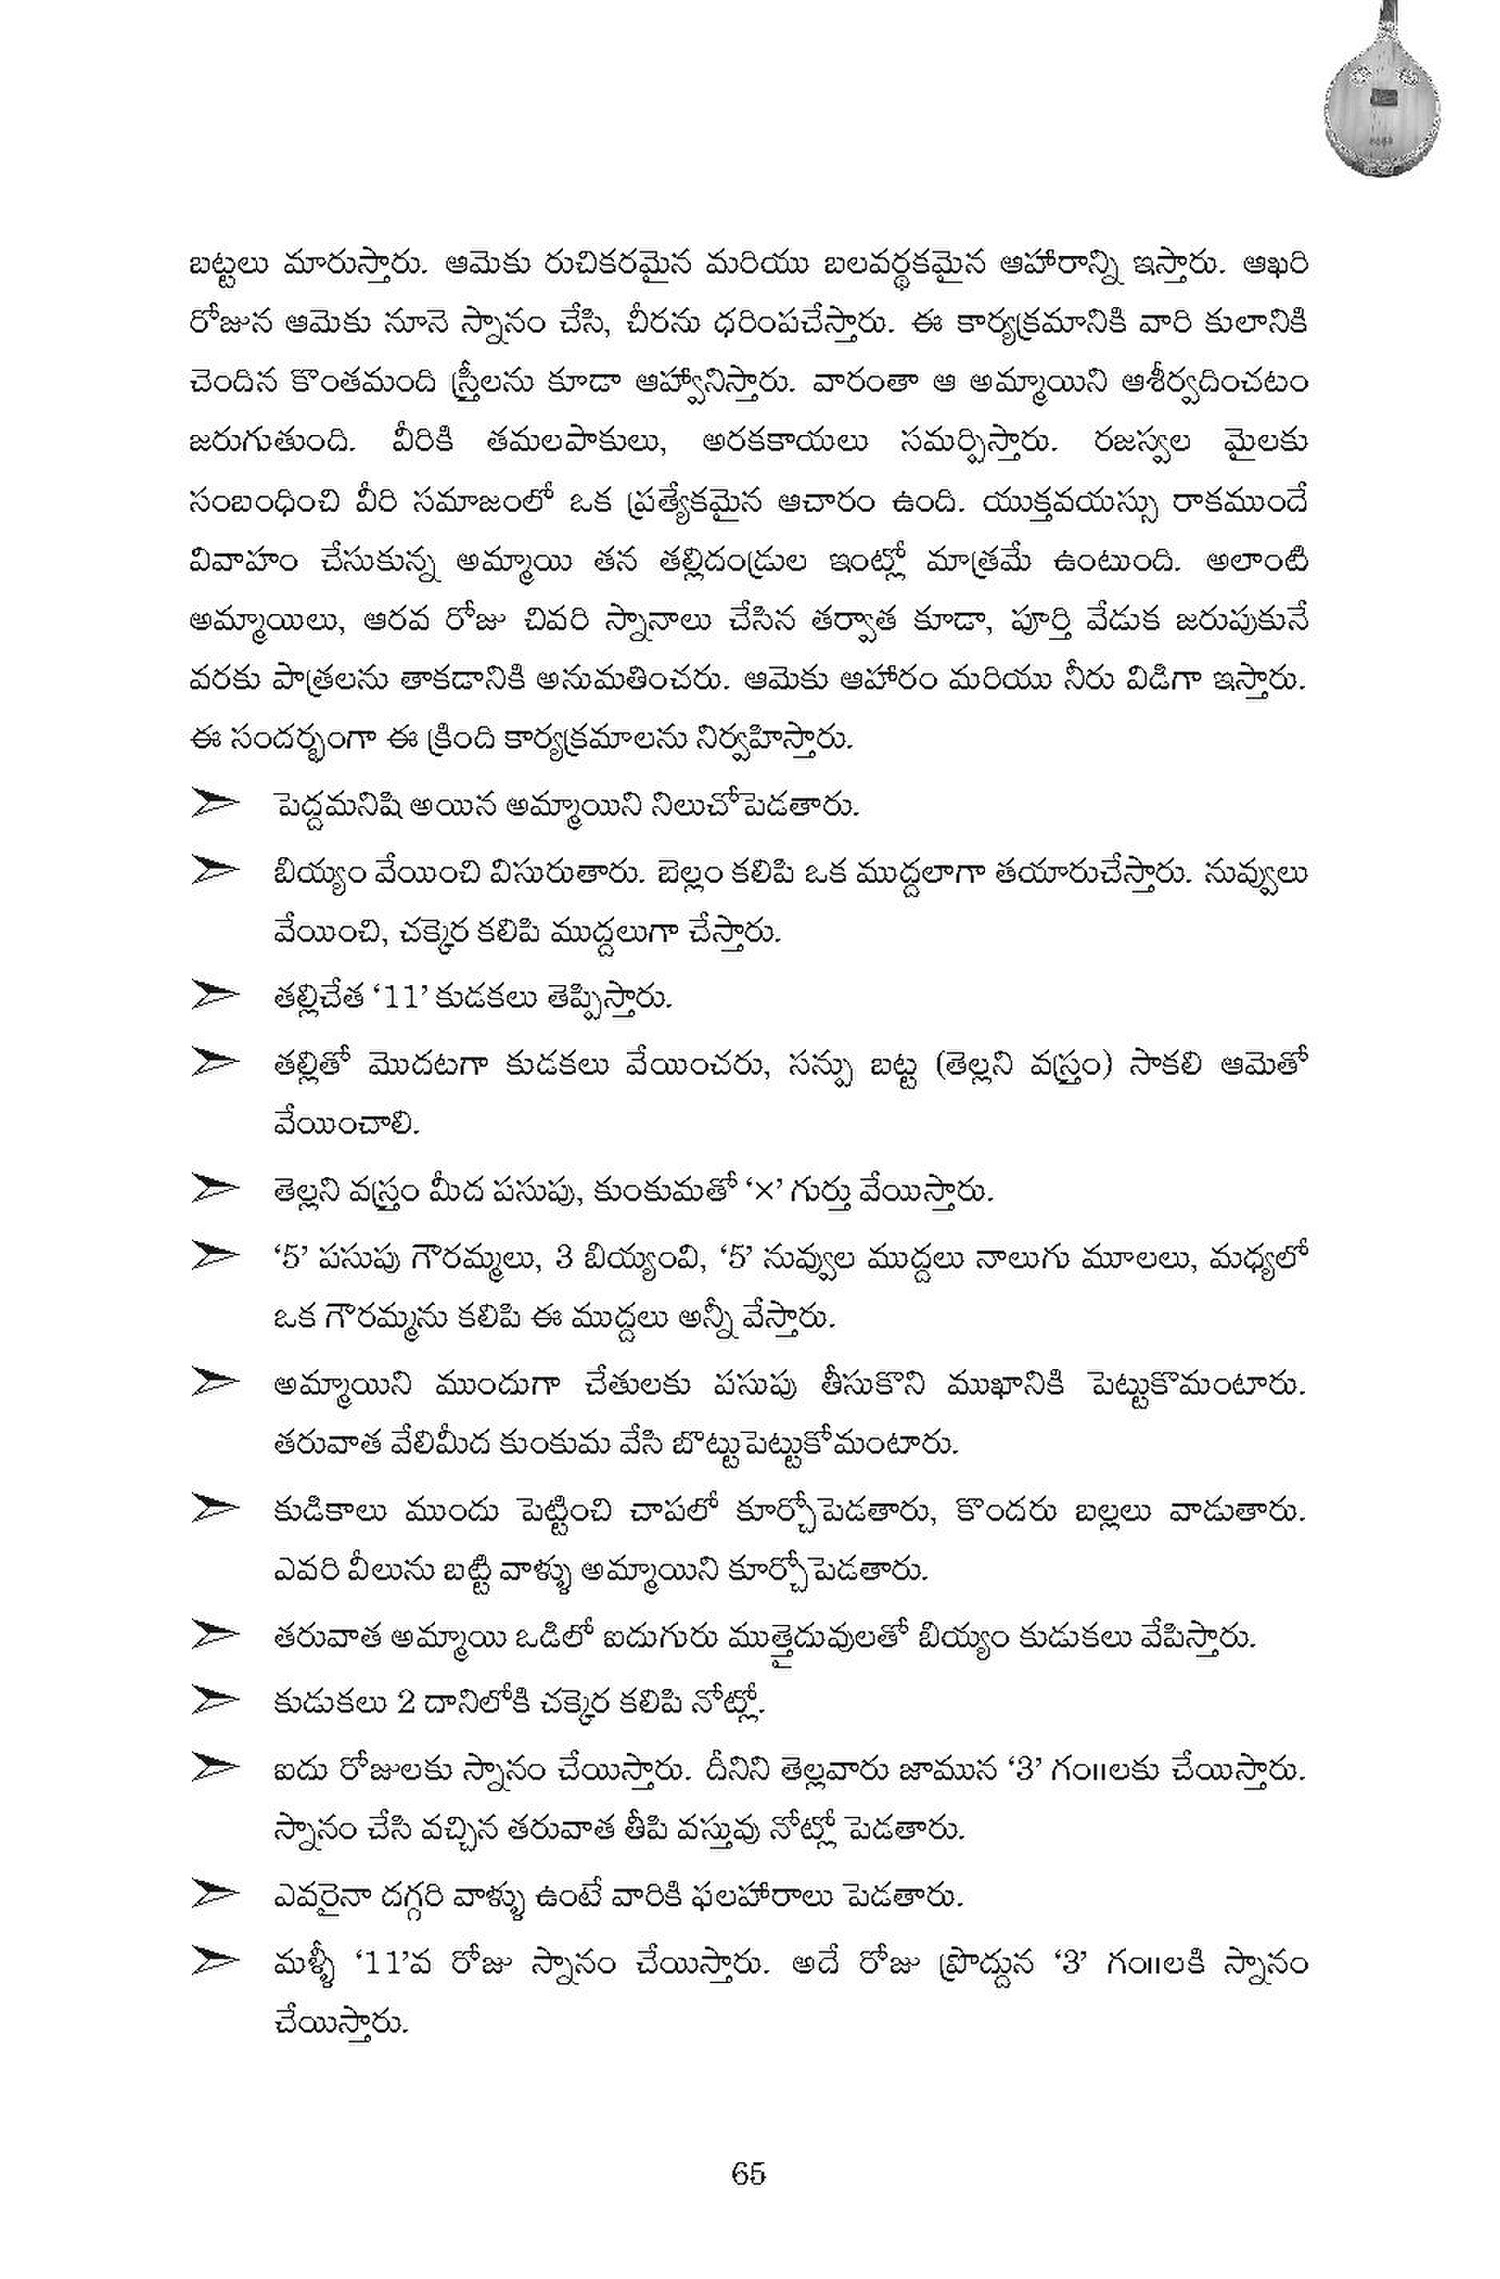బట్టలు మారుస్తారు. ఆమెకు రుచికరమైన మరియు బలవర్థకమైన ఆహారాన్ని ఇస్తారు. ఆఖరి రోజున ఆమెకు నూనె స్నానం చేసి, చీరను ధరింపచేస్తారు. ఈ కార్యక్రమానికి వారి కులానికి చెందిన కొంతమంది స్త్రీలను కూడా ఆహ్వానిస్తారు. వారంతా ఆ అమ్మాయిని ఆశీర్వదించటం జరుగుతుంది. వీరికి తమలపాకులు, అరకకాయలు సమర్పిస్తారు. రజస్వల మైలకు
సంబంధించి వీరి సమాజంలో ఒక ప్రత్యేకమైన ఆచారం ఉంది. యుక్తవయస్సు రాకముందే వివాహం చేసుకున్న అమ్మాయి తన తల్లిదండ్రుల ఇంట్లో మాత్రమే ఉంటుంది. అలాంటి అమ్మాయిలు, ఆరవ రోజు చివరి స్నానాలు చేసిన తర్వాత కూడా, పూర్తి వేడుక జరుపుకునే వరకు పాత్రలను తాకడానికి అనుమతించరు. ఆమెకు ఆహారం మరియు నీరు విడిగా ఇస్తారు. ఈ సందర్భంగా ఈ క్రింది కార్యక్రమాలను నిర్వహిస్తారు.

పెద్దమనిషి అయిన అమ్మాయిని నిలుచోపెడతారు.

బియ్యం వేయించి విసురుతారు. బెల్లం కలిపి ఒక ముద్దలాగా తయారుచేస్తారు. నువ్వులు వేయించి, చక్కెర కలిపి ముద్దలుగా చేస్తారు.

తల్లిచేత ‘11’ కుడకలు తెప్పిస్తారు.

తల్లితో మొదటగా కుడకలు వేయించరు, సన్పు బట్ట (తెల్లని వస్త్రం) సాకలి ఆమెతో వేయించాలి.

తెల్లని వస్త్రం మీద పసుపు, కుంకుమతో 'X' గుర్తు వేయిస్తారు.

'5' పసుపు గౌరమ్మలు, 3 బియ్యంవి, '5' నువ్వుల ముద్దలు నాలుగు మూలలు, మధ్యలో ఒక గౌరమ్మను కలిపి ఈ ముద్దలు అన్నీ వేస్తారు.

అమ్మాయిని ముందుగా చేతులకు పసుపు తీసుకొని ముఖానికి పెట్టుకొమంటారు. తరువాత వేలిమీద కుంకుమ వేసి బొట్టుపెట్టుకోమంటారు.

కుడికాలు ముందు పెట్టించి చాపలో కూర్చోపెడతారు, కొందరు బల్లలు వాడుతారు. ఎవరి వీలును బట్టి వాళ్ళు అమ్మాయిని కూర్చోపెడతారు.

తరువాత అమ్మాయి ఒడిలో ఐదుగురు ముత్తైదువులతో బియ్యం కుడుకలు వేపిస్తారు.

కుడుకలు 2 దానిలోకి చక్కెర కలిపి నోట్లో.

ఐదు రోజులకు స్నానం చేయిస్తారు. దీనిని తెల్లవారు జామున '3' గం౹౹లకు చేయిస్తారు. స్నానం చేసి వచ్చిన తరువాత తీపి వస్తువు నోట్లో పెడతారు.

ఎవరైనా దగ్గరి వాళ్ళు ఉంటే వారికి ఫలహారాలు పెడతారు.

మళ్ళీ '11 'వ రోజు స్నానం చేయిస్తారు. అదే రోజు ప్రొద్దున '3' గం౹౹లకి స్నానం చేయిస్తారు.